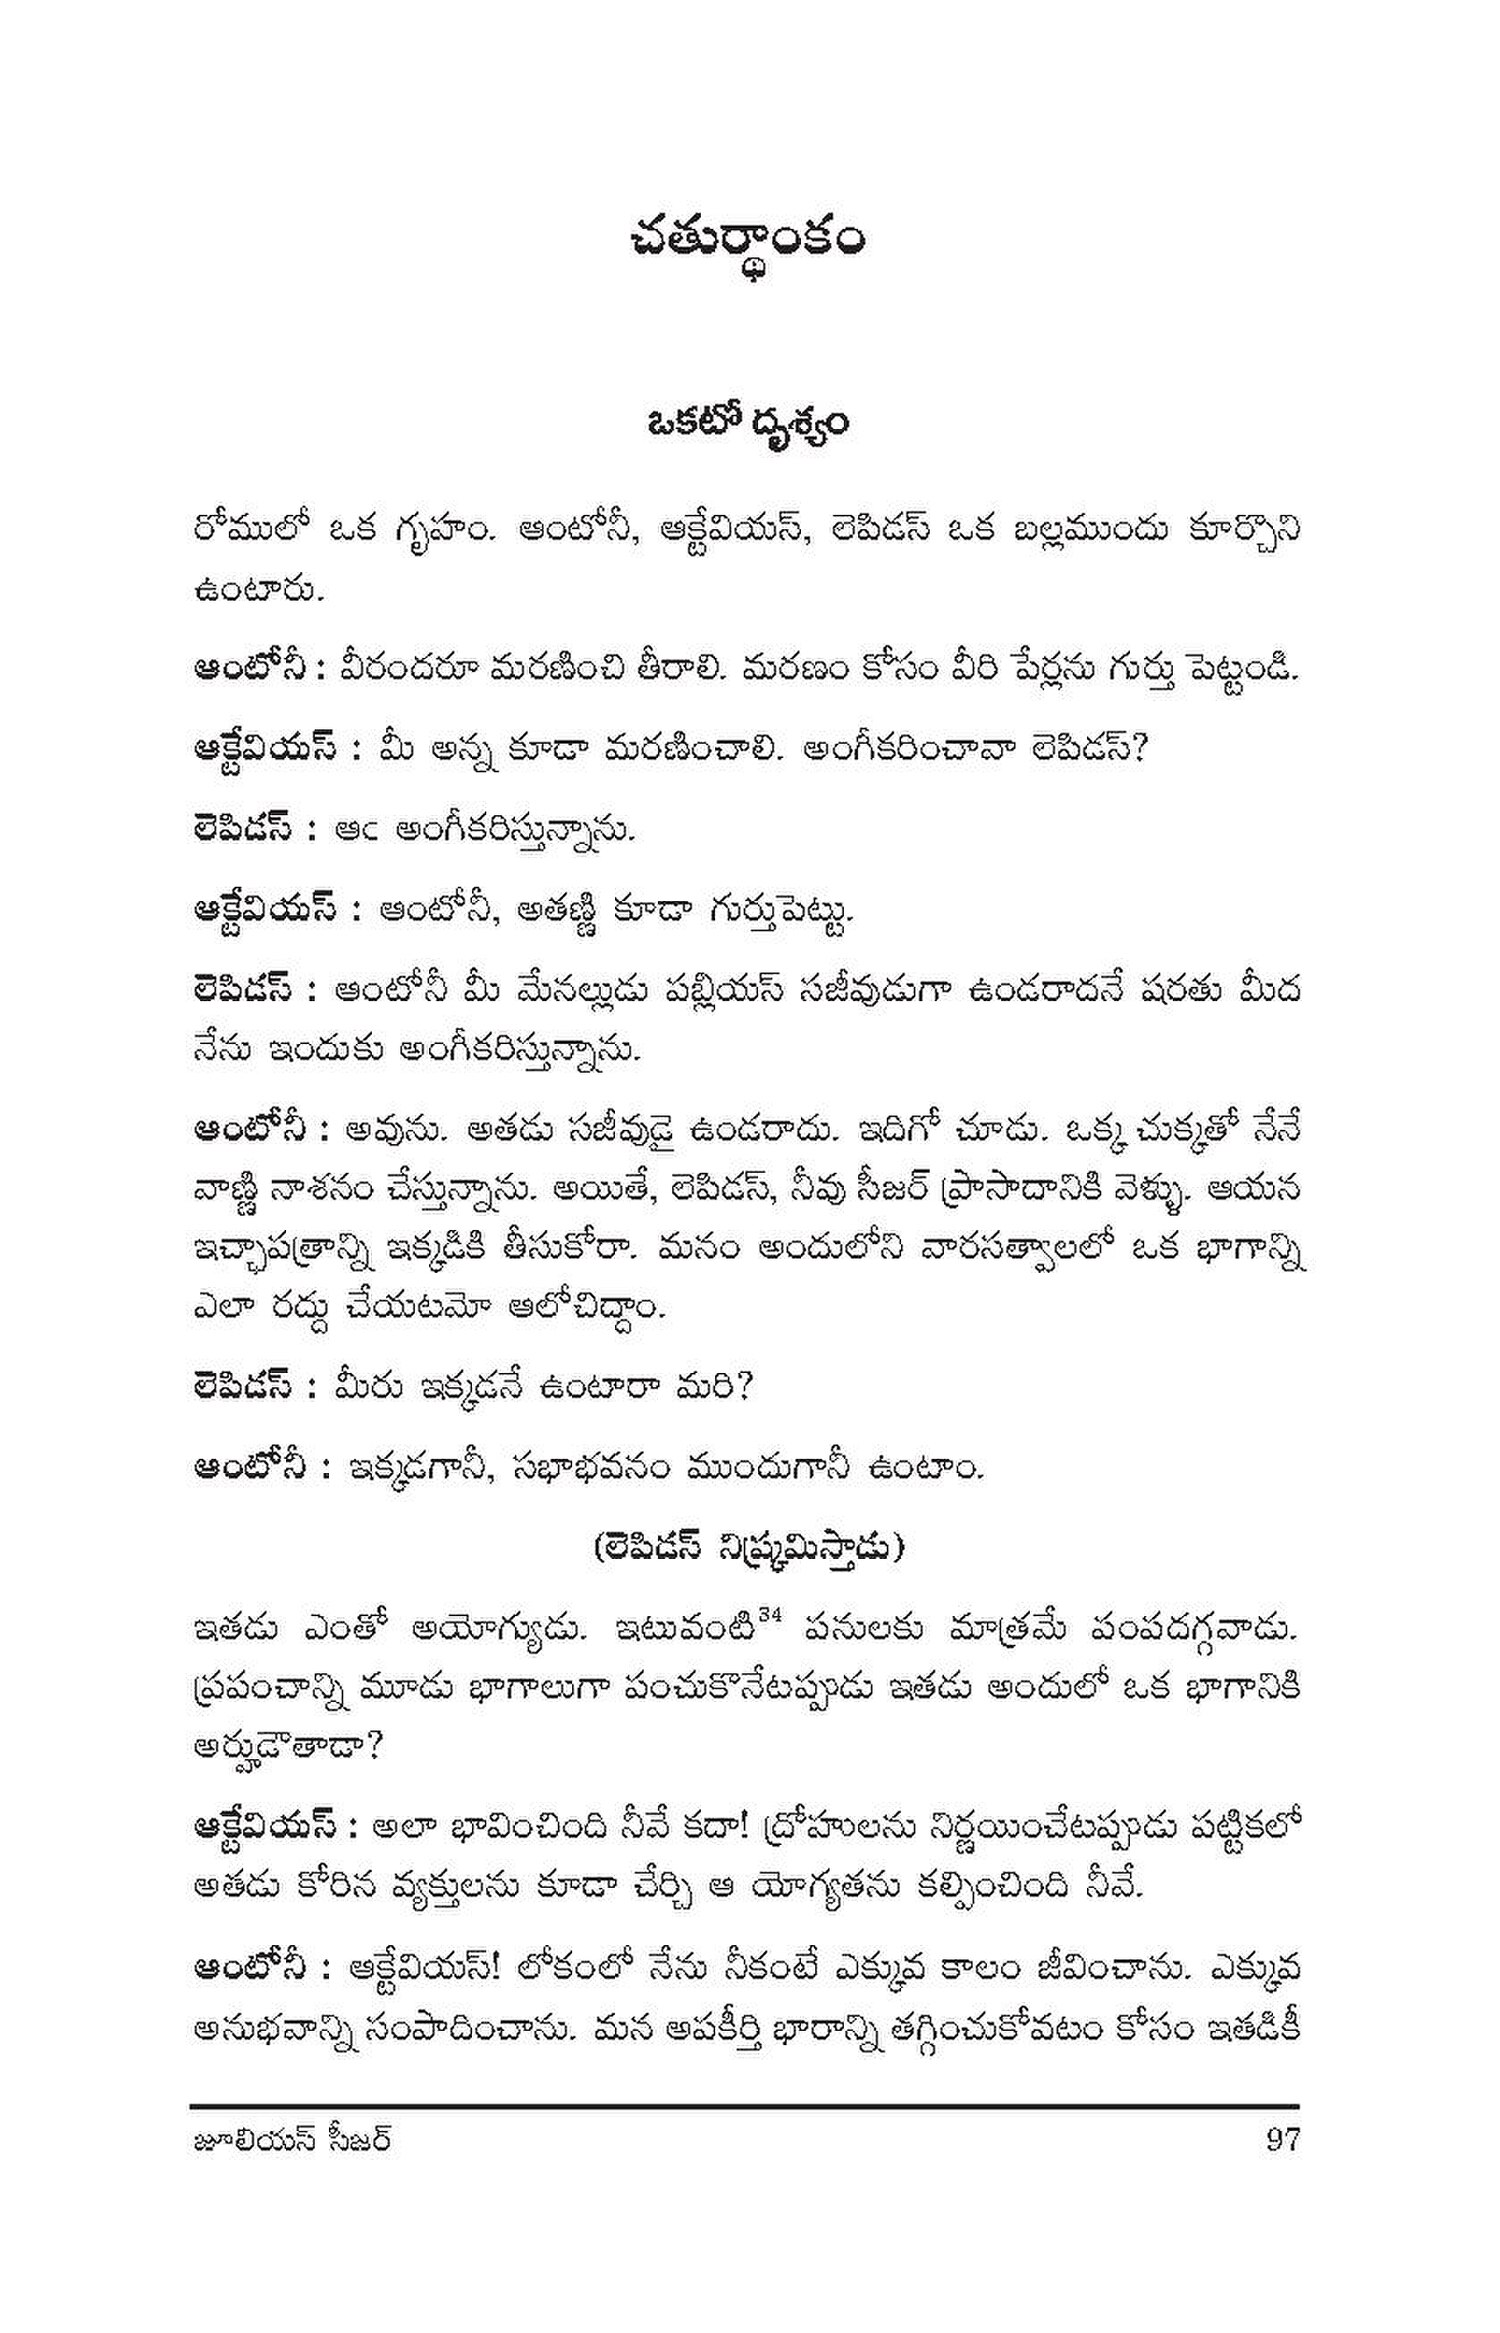రోములో ఒక గృహం. ఆంటోనీ, ఆక్టేవియస్, లెపిడస్ ఒక బల్లముందు కూర్చొని ఉంటారు.

ఆంటోనీ : వీరందరూ మరణించి తీరాలి. మరణం కోసం వీరి పేర్లను గుర్తు పెట్టండి.

ఆక్టేవియస్ : మీ అన్న కూడా మరణించాలి. అంగీకరించావా లెపిడస్?

లెపిడస్ : ఆఁ అంగీకరిస్తున్నాను.

ఆక్టేవియస్ : ఆంటోనీ, అతణ్ణి కూడా గుర్తుపెట్టు.

లెపిడస్ : ఆంటోనీ మీ మేనల్లుడు పబ్లియస్ సజీవుడుగా ఉండరాదనే షరతు మీద నేను ఇందుకు అంగీకరిస్తున్నాను.

ఆంటోనీ : అవును. అతడు సజీవుడై ఉండరాదు. ఇదిగో చూడు. ఒక్క చుక్కతో నేనే వాణ్ణి నాశనం చేస్తున్నాను. అయితే, లెపిడస్, నీవు సీజర్ ప్రాసాదానికి వెళ్ళు. ఆయన ఇచ్ఛాపత్రాన్ని ఇక్కడికి తీసుకోరా. మనం అందులోని వారసత్వాలలో ఒక భాగాన్ని ఎలా రద్దు చేయటమో ఆలోచిద్దాం.

లెపిడస్ : మీరు ఇక్కడనే ఉంటారా మరి?

ఆంటోనీ : ఇక్కడగానీ, సభాభవనం ముందుగానీ ఉంటాం.

ఇతడు ఎంతో అయోగ్యుడు. ఇటువంటి పనులకు మాత్రమే పంపదగ్గవాడు. ప్రపంచాన్ని మూడు భాగాలుగా పంచుకొనే టప్పుడు ఇతడు అందులో ఒక భాగానికి అర్హుడౌతాడా?

ఆక్టేవియస్ : అలా భావించింది నీవే కదా! ద్రోహులను నిర్ణయించేటప్పుడు పట్టికలో అతడు కోరిన వ్యక్తులను కూడా చేర్చి ఆ యోగ్యతను కల్పించింది నీవే.

ఆంటోనీ : ఆక్టేవియస్! లోకంలో నేను నీకంటే ఎక్కువ కాలం జీవించాను. ఎక్కువ అనుభవాన్ని సంపాదించాను. మన అపకీర్తి భారాన్ని తగ్గించుకోవటం కోసం ఇతడికీ